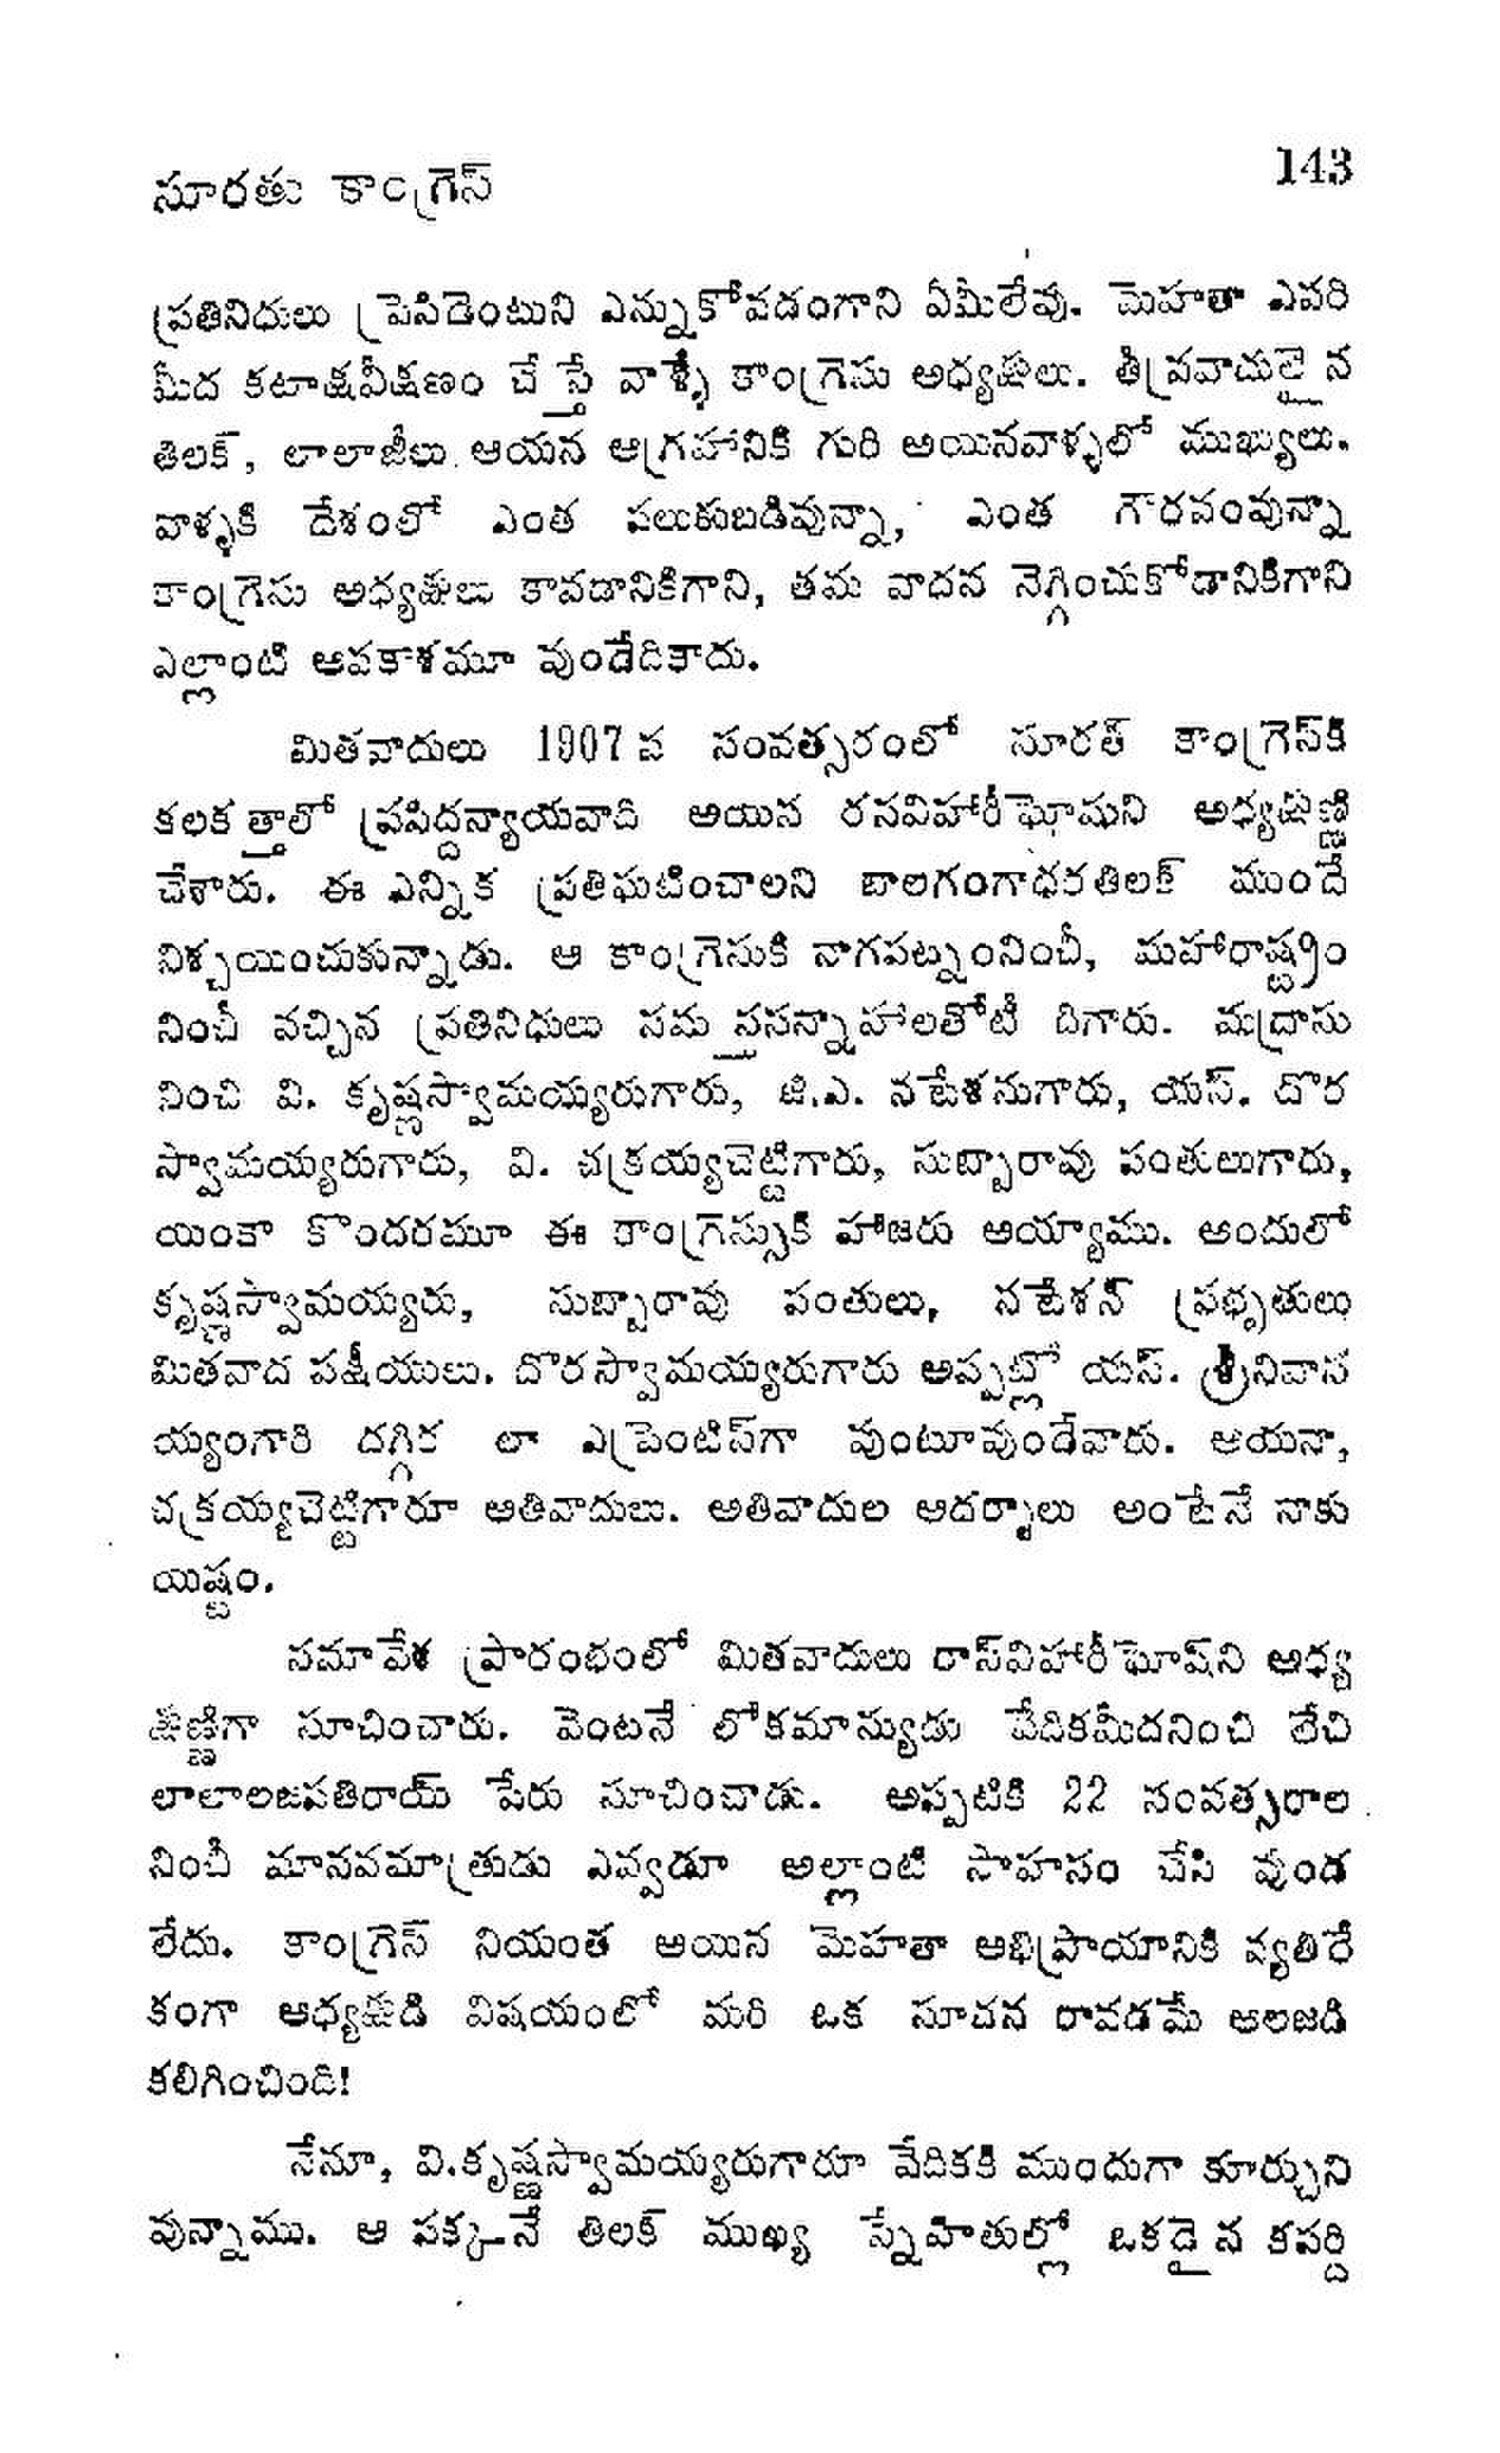ప్రతినిధులు ప్రెసిడెంటుని ఎన్నుకోవడంగాని ఏమీలేవు. మెహతా ఎవరిమీద కటాక్షవీక్షణం చేస్తే వాళ్ళే కాంగ్రెసు అధ్యక్షులు. తీవ్రవాదులైన తిలక్, లాలాజీలు ఆయన ఆగ్రహానికి గురి అయినవాళ్ళలో ముఖ్యులు. వాళ్ళకి దేశంలో ఎంత పలుకుబడి వున్నా, ఎంత గౌరవంవున్నా కాంగ్రెసు అధ్యక్షులు కావడానికిగాని, తమ వాదన నెగ్గించుకోడానికిగాని ఎల్లాంటి అవకాశమూ వుండేదికాదు.

మితవాదులు 1907 వ సంవత్సరంలో సూరత్ కాంగ్రెస్‌కి కలకత్తాలో ప్రసిద్దన్యాయవాది అయిన రనవిహారిఘోషుని అధ్యక్షుణ్ణి చేశారు. ఈ ఎన్నిక ప్రతిఘటించాలని బాలగంగాధరతిలక్ ముందే నిశ్చయించు కున్నాడు. అ కాంగ్రెసుకి నాగపట్నంనించీ, మహారాష్ట్రంనించీ వచ్చిన ప్రతినిధులు సమస్తసన్నాహాలతోటి దిగారు. మద్రాసు నించి వి. కృష్ణస్వామయ్యరుగారు, జి. ఎ. నటేశనుగారు, యస్. దొరస్వామయ్యరు గారు, వి. చక్రయ్యచెట్టిగారు, సుబ్బారావు పంతులుగారు, యింకా కొందరమూ ఈ కాంగ్రెస్సుకి హాజరు అయ్యాము. అందులో కృష్ణస్వామయ్యరుగారు, సుబ్బారావు పంతులు, నటేశన్ ప్రభృతులు మితవాద పక్షీయులు. దొరస్వామయ్యరుగారు అప్పట్లో యస్. శ్రీనివాసయ్యంగారి దగ్గిర లా ఎప్రెంటిస్‌గా వుంటూవుండేవారు. ఆయనా, చక్రయ్యచెట్టిగారూ అతివాదులు. అతివాదుల ఆదర్శాలు అంటేనే నాకు యిష్టం.

సమావేశ ప్రారంభంలో మితవాదులు రాస్‌విహారీఘోష్‌ని అధ్యక్షుణ్ణిగా సూచించారు. వెంటనే లోకమాన్యుడు వేదికమీదినించి లేచి లాలా లజపతిరాయ్ పేరు సూచించాడు. అప్పటికి 22 సంవత్సరాలనించీ మానవమాత్రుడు ఎవ్వడూ అల్లాంటి సాహసం చేసి వుండలేదు. కాంగ్రెస్ నియంత అయిన మెహతా అభిప్రాయానికి వ్యతిరేకంగా అధ్యక్షుడి విషయంలో మరి ఒక సూచన రావడమే అలజడి కలిగించింది!

నేనూ, వి. కృష్ణస్వామయ్యరుగారూ వేదికకి ముందుగా కూర్చుని వున్నాము. అ పక్కనే తిలక్ ముఖ్య స్నేహితుల్లో ఒకడైన కపర్ది